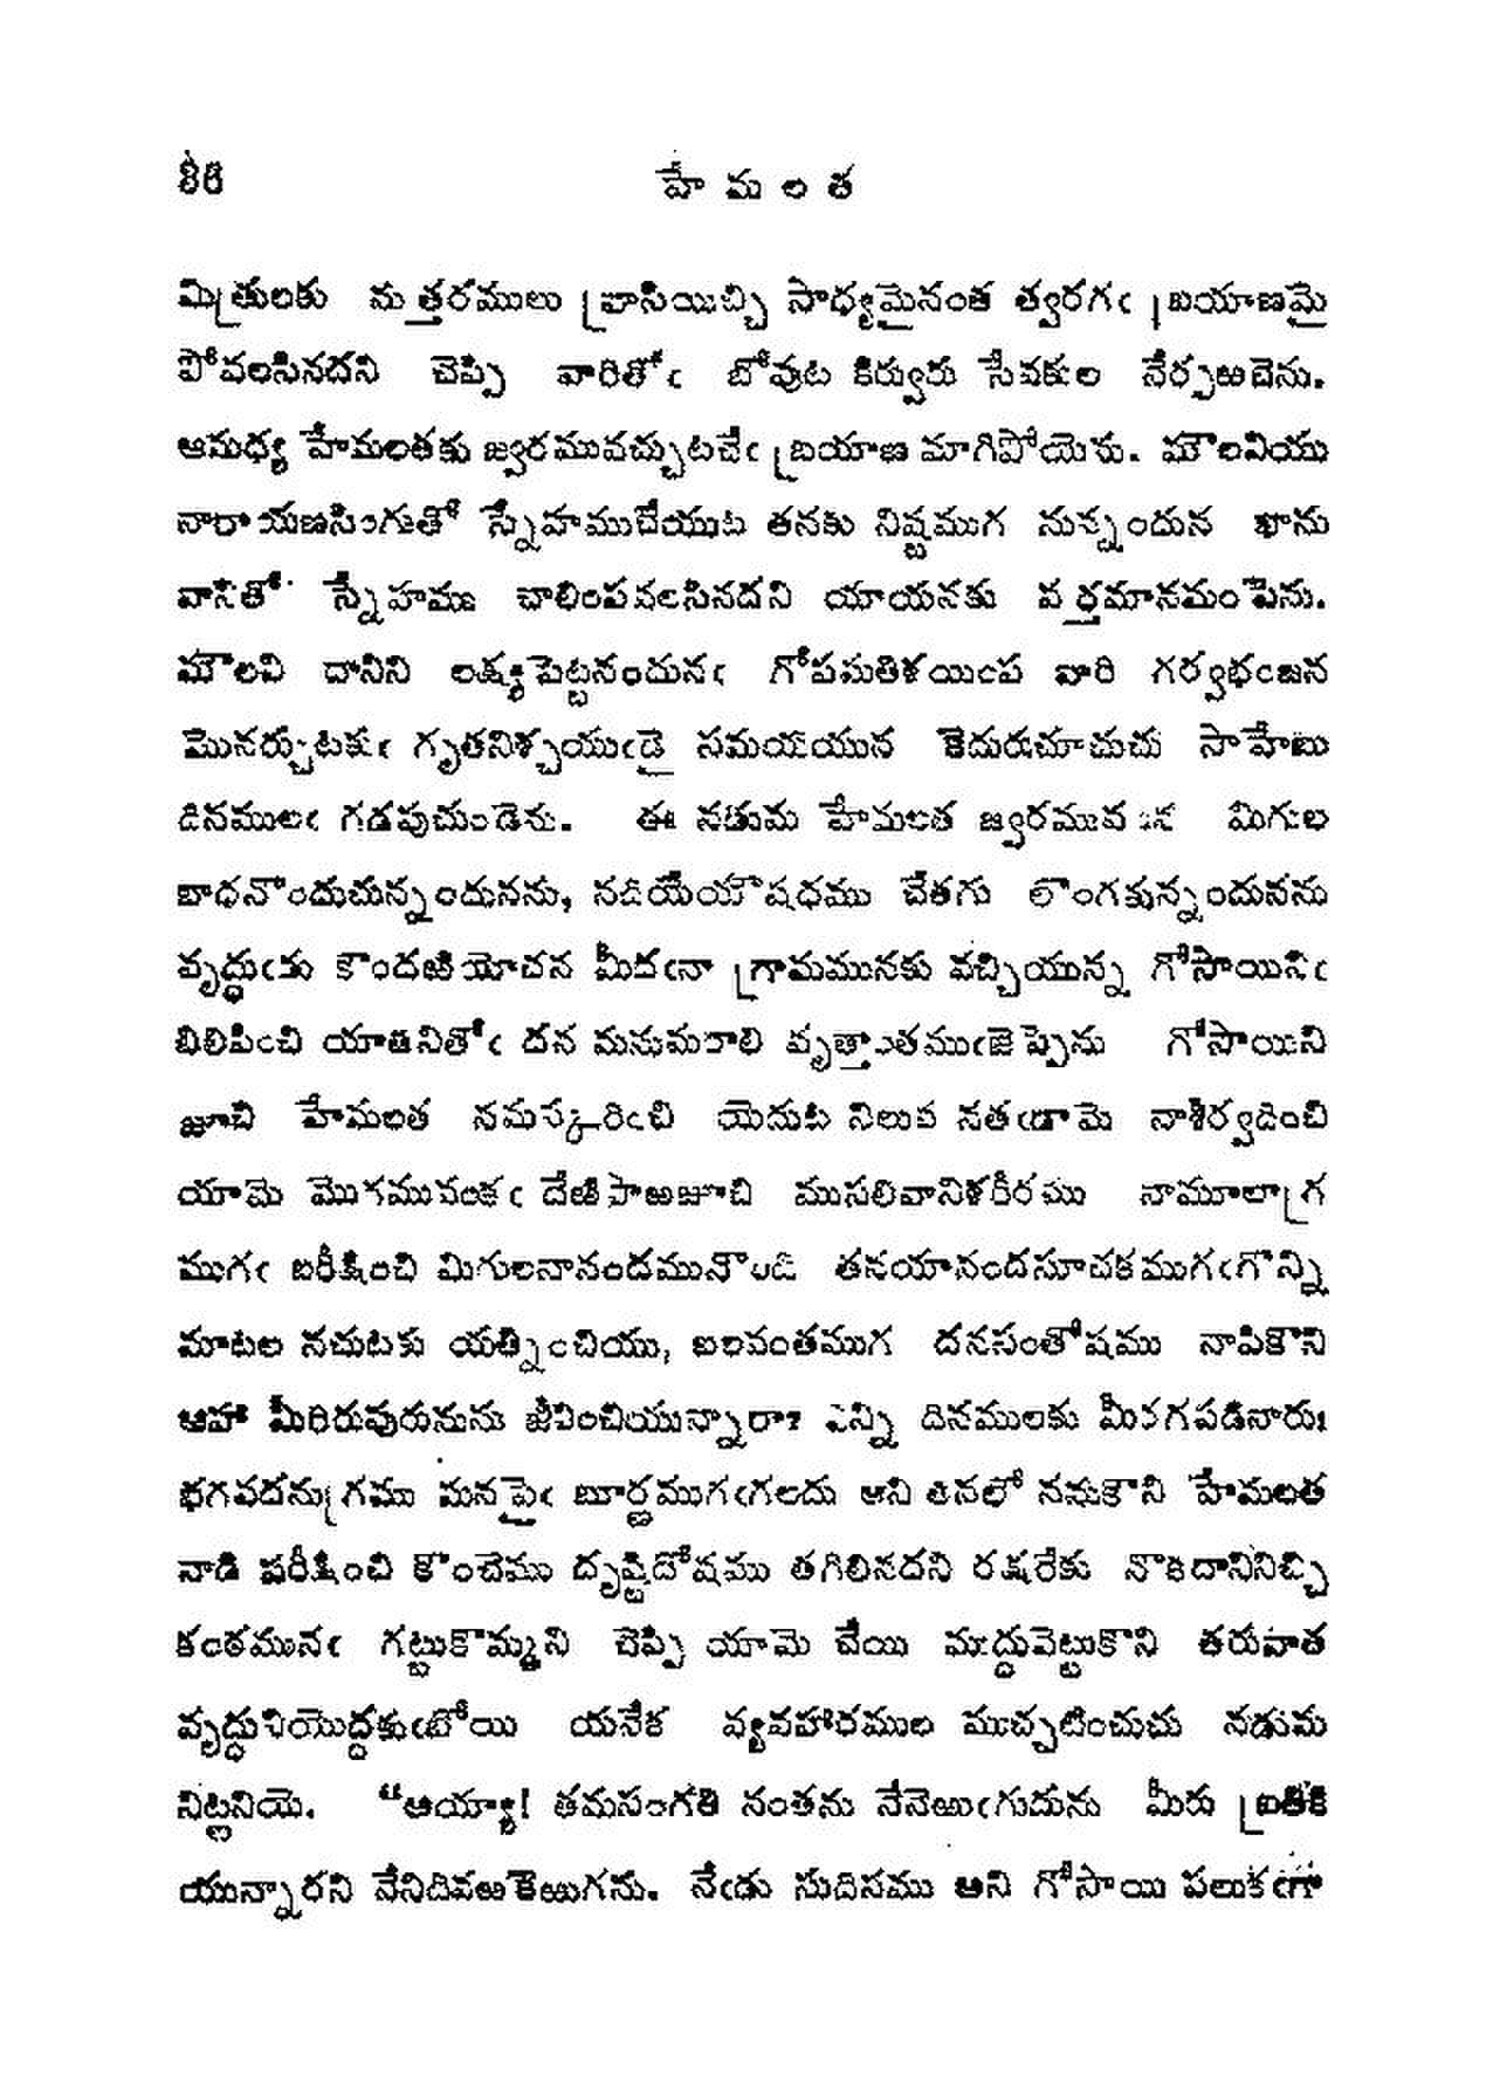మిత్రులకు నుత్తరములు వ్రాసియిచ్చి సాధ్యమైనంత త్వరగఁ బ్రయాణమై పోవలసినదని చెప్పి వారితోఁ బోవుట కిర్వురు సేవకుల నేర్పఱచెను. ఆమధ్య హేమలతకు జ్వరమువచ్చుటచేఁ బ్రయాణ మాగిపోయెను. మౌలవియు నారాయణసింగుతో స్నేహముచేయుట తనకు నిష్టముగ నున్నందున ఖాను వానితో స్నేహము చాలింపవలసినదని యాయనకు వర్తమానమంపెను. మౌలవి దానిని లక్ష్యపెట్టనందున, గోపమతిశయింప వారి గర్వభంజన మొనర్చుటకుఁ గృతనిశ్చయుఁడై సమయమున కెదురుచూచుచు సాహేబు దినములఁ గడపుచుండెను. ఈ నడుమ హేమలత జ్వరమువలన మిగుల బాధనొందుచున్నందునను, నదియేయౌషధము చేతగు లొంగకున్నందునను వృద్ధుఁడు కొందఱి యోచన మీదఁనా గ్రామమునకు వచ్చియున్న గోసాయినిఁ బిలిపించి యాతనితోఁ దన మనుమరాలి వృత్తాంతముఁజెప్పెను. గోసాయిని జూచి హేమలత నమస్కరించి యెదుట నిలువ నతఁడామె నాశీర్వదించి యామె మొగమువంకఁ దేఱిపాఱజూచి ముసలివానిశరీరము నామూలాగ్రముగఁ బరీక్షించి మిగులనానందమునొంది తనయానంద సూచకముగఁ గొన్ని మాటల వచ్చుటకు యత్నించియు, బలవంతముగ దనసంతోషము నాపికొని ఆహా మీరిరువురునును జీవించియున్నారా? ఎన్ని దినములకు మీరగపడినారు. భగవదనుగ్రము మన పైఁ బూర్ణముగఁగలదు అని తనలో ననుకొని హేమలత నాడి పరీక్షించి కొంచెము దృష్టిదోషము తగిలినదని రక్షరేకు నొకదానినిచ్చి కంఠమునఁ గట్టుకొమ్మని చెప్పి యామె చేయి ముద్దువెట్టుకొని తరువాత వృద్ధునియొద్దకుఁబోయి యనేక వ్యవహారముల ముచ్చటించుచు నడుమ నిట్లనియె. “అయ్యా! తమసంగతి నంతను నేనెఱుఁగుదును. మీరు బ్రతికి యున్నారని నేనిదివఱ కెఱుగను. నేడు సుదినము అని గోసాయి పలుకగా